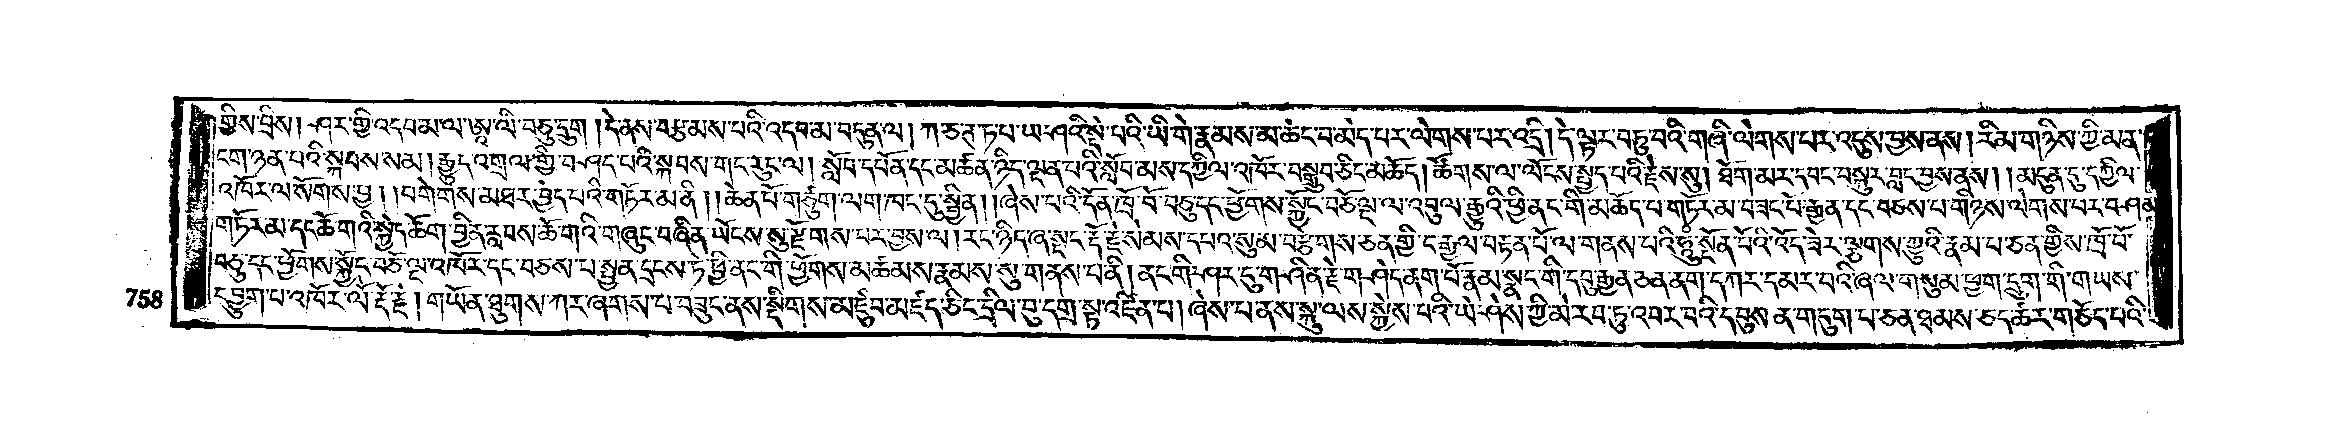གྱིས་བྲིས། ཤར་གྱི་འདབ་མ་ལ་ཨཱ་ལི་བཅུ་དྲུག །དེ་ནས་བརྩམས་པའི་འདབ་མ་བདུན་ལ། ཀ་ཅ་ཊ་ཏ་པ་ཡ་ཤའི་སྡེ་པའི་ཡི་གེ་རྣམས་མ་ཚང་བ་མེད་པར་ལེགས་པར་འདྲི། དེ་ལྟར་བཏུ་བའི་གཞི་ལེགས་པར་འདུས་བྱས་ནས། རིམ་གཉིས་ཀྱི་མན་
ངག་ཉན་པའི་སྐབས་སམ། རྒྱུད་འགྲེལ་གྱི་བཤད་པའི་སྐབས་གང་རུང་ལ། སློབ་དཔོན་དང་མཚན་ཉིད་ལྡན་པའི་སློབ་མས་དཀྱིལ་འཁོར་བསྒྲུབ་ཅིང་མཆོད། ཚོགས་ལ་ལོངས་སྤྱད་པའི་རྗེས་སུ། ཐོག་མར་དབང་བསྐུར་བླང་བྱས་ནས། །མདུན་དུ་དཀྱིལ་
འཁོར་ལ་སོགས་བྱ། །བགེགས་མཐར་བྱེད་པའི་གཏོར་མ་ནི། །ཆེན་པོ་གཙུག་ལག་ཁང་དུ་སྦྱིན། །ཞེས་པའི་དོན་ཁྲོ་བོ་བཅུ་དང་ཕྱོགས་སྐྱོང་བཅོ་ལྔ་ལ་འབུལ་རྒྱུའི་ཕྱི་ནང་གི་མཆོད་པ་གཏོར་མ་བཟང་པོ་རྒྱན་དང་བཅས་པ་གཉིས་ལེགས་པར་བཤམ།
གཏོར་མ་དང་ཆོ་གའི་སྐྱེད་ཆོག་བྱིན་རླབས་ཆོ་གའི་གཞུང་བཞིན་ཡོངས་སུ་རྫོགས་པར་བྱས་ལ། རང་ཉིད་ཞེ་སྡང་རྡོ་རྗེ་སེམས་དཔའ་སུམ་བརྩེགས་ཅན་གྱི་ང་རྒྱལ་བརྟན་པོ་ལ་གནས་པའི་ཧཱུཾ་སྔོན་པོའི་འོད་ཟེར་ལྕགས་ཀྱུའི་རྣམ་པ་ཅན་གྱིས་ཁྲོ་བོ་
བཅུ་དང་ཕྱོགས་སྐྱོང་བཅོ་ལྔ་འཁོར་དང་བཅས་པ་སྤྱན་དྲངས་ཏེ་ཕྱི་ནང་གི་ཕྱོགས་མཚམས་རྣམས་སུ་གནས་པ་ནི། ནང་གི་ཤར་དུ་གཤིན་རྗེ་གཤེད་ནག་པོ་རྣམ་སྣང་གི་དབུ་རྒྱན་ཅན་ནག་དཀར་དམར་བའི་ཞལ་གསུམ་ཕྱག་དྲུག་གི་གཡས་
དབྱུག་པ་འཁོར་ལོ་རྡོ་རྗེ། གཡོན་ཐུགས་ཀར་ཞགས་པ་བཟུང་ནས་སྡིགས་མཛུབ་མཛད་ཅིང་དྲིལ་བུ་དགྲ་སྟ་འཛིན་པ། ཞེས་པ་ནས་སྐུ་ལས་སྐྱེས་པའི་ཡེ་ཤེས་ཀྱི་མེ་རབ་ཏུ་འབར་བའི་དབུས་ན་གདུག་པ་ཅན་ཐམས་ཅད་ཚར་གཅོད་པའི་